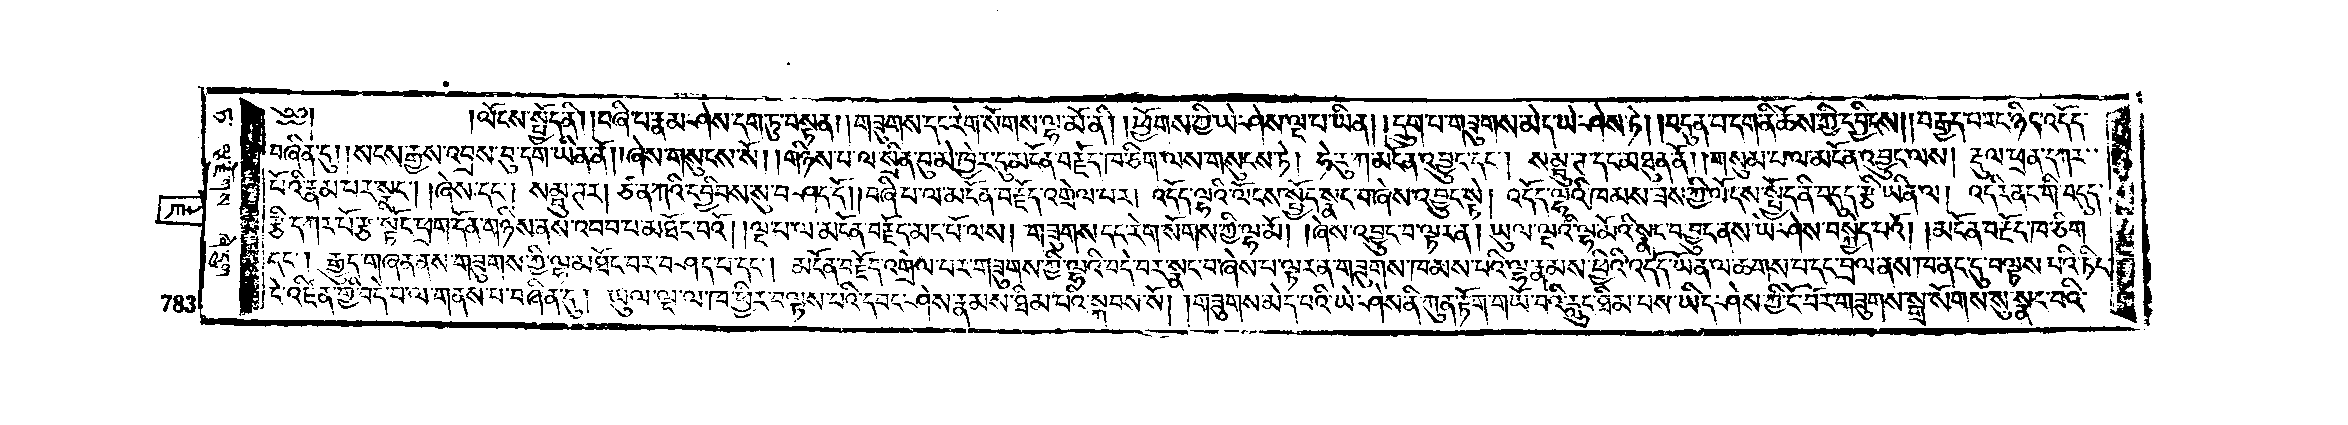༄༅། །ལོངས་སྤྱོད་ནི། །བཞི་པ་རྣམ་ཤེས་དག་ཏུ་བསྟན། །གཟུགས་དང་རེག་སོགས་ལྷ་མོ་ནི། །ཕྱོགས་ཀྱི་ཡེ་ཤེས་ལྔ་པ་ཡིན། །དྲུག་པ་གཟུགས་མེད་ཡེ་ཤེས་ཏེ། །བདུན་པ་དག་ནི་ཆོས་ཀྱི་དབྱིངས། །བརྒྱད་པ་རང་ཉིད་འདོད་
བཞིན་དུ། །སངས་རྒྱས་འབྲས་བུ་དག་ཡིན་ནོ། །ཞེས་གསུངས་སོ། །གཉིས་པ་ལ་སྲིན་བུ་མེ་ཁྱེར་དུ་མངོན་བརྗོད་ཁ་ཅིག་ལས་གསུངས་ཏེ། ཧེ་རུ་ཀ་མངོན་འབྱུང་དང་། སམྦུ་ཊ་དང་མཐུན་ནོ། །གསུམ་པ་ལ་མངོན་འབྱུང་ལས། རྡུལ་ཕྲན་དཀར་
པོའི་རྣམ་པར་སྣང་། །ཞེས་དང་། སམྦུ་ཊར། ཙ་ན་ཀའི་དབྱིབས་སུ་བཤད་དོ། །བཞི་པ་ལ་མངོན་བརྗོད་འགྲེལ་པར། འདོད་ལྷའི་ལོངས་སྤྱོད་སྣང་བ་ཞེས་འབྱུང་སྟེ། འདོད་ལྷའི་ཁམས་ཟས་ཀྱི་ལོངས་སྤྱོད་ནི་བདུད་རྩི་ཡིན་ལ། འདིར་ནང་གི་བདུད་
རྩི་དཀར་པོ་རྩ་སྟོང་ཕྲག་དོན་གཉིས་ནས་འབབ་པ་མཐོང་བའོ། །ལྔ་པ་ལ་མངོན་བརྗོད་མང་པོ་ལས། གཟུགས་དང་རེག་སོགས་ཀྱི་ལྷ་མོ། །ཞེས་འབྱུང་བ་ལྟར་ན། ཡུལ་ལྔའི་ལྷ་མོའི་སྣང་བ་བྱུང་ནས་ཡེ་ཤེས་བསྐྱེད་པའོ། །མངོན་བརྗོད་ཁ་ཅིག་
དང་། རྒྱུད་གཞན་ནས་གཟུགས་ཀྱི་ལྷ་མཐོང་བར་བཤད་པ་དང་། མངོན་བརྗོད་འགྲེལ་པར་གཟུགས་ཀྱི་ལྷའི་བདེ་བར་སྣང་བ་ཞེས་པ་ལྟར་ན་གཟུགས་ཁམས་པའི་ལྷ་རྣམས་ཕྱིའི་འདོད་ཡོན་ལ་ཆགས་པ་དང་བྲལ་ནས་ཁ་ནང་དུ་བལྟས་པའི་ཏིང་
ངེ་འཛིན་གྱི་བདེ་བ་ལ་གནས་པ་བཞིན་དུ། ཡུལ་ལྔ་ལ་ཁ་ཕྱིར་བལྟས་པའི་དབང་ཤེས་རྣམས་ཐིམ་པའི་སྐབས་སོ། །གཟུགས་མེད་པའི་ཡེ་ཤེས་ནི་ཀུན་རྟོག་གཡོ་བའི་རླུང་ཐིམ་པས་ཡིད་ཤེས་ཀྱི་ངོ་བོར་གཟུགས་སྒྲ་སོགས་སུ་སྣང་བའི་